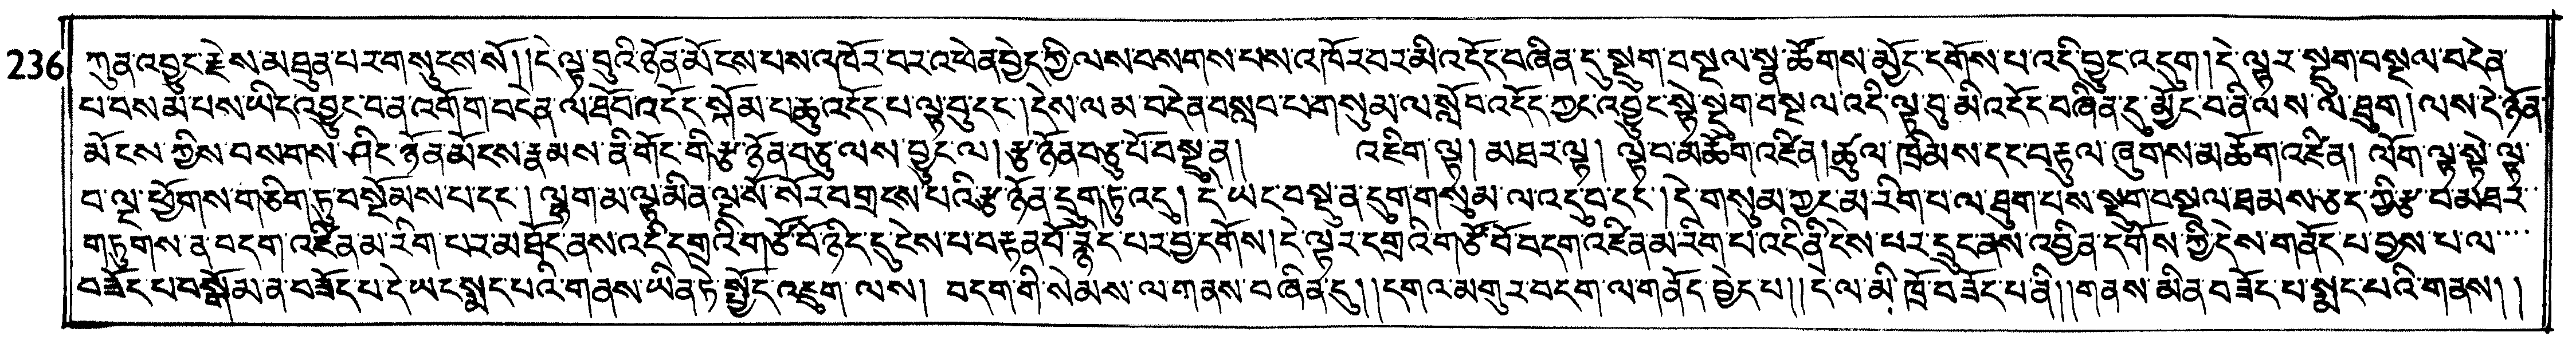ཀུན་འབྱུང་རྗེས་མཐུན་པར་གསུངས་སོ། །དེ་ལྟ་བུའི་ཉོན་མོངས་པས་འཁོར་བར་འཕེན་བྱེད་ཀྱི་ལས་བསགས་པས་འཁོར་བར་མི་འདོད་བཞིན་དུ་སྡུག་བསྔལ་སྣ་ཚོགས་མྱོང་དགོས་པ་འདི་བྱུང་འདུག །དེ་ལྟར་སྡུག་བསྔལ་བདེན་
པ་བསམ་པས་ཡིད་འབྱུང་བ་ན་འགོག་བདེན་ལ་ཐོབ་འདོད་སྐོམ་པ་ཆུ་འདོད་པ་ལྟ་བུ་དང་། དེས་ལམ་བདེན་བསླབ་པ་གསུམ་ལ་སློབ་འདོད་ཀྱང་འབྱུང་སྟེ་སྡུག་བསྔལ་འདི་ལྟ་བུ་མི་འདོད་བཞིན་དུ་མྱོང་བ་ནི་ལས་ལ་ཐུག །ལས་དེ་ཉོན་
མོངས་ཀྱིས་བསགས་ཤིང་ཉོན་མོངས་རྣམས་ནི་གོང་གི་རྩ་ཉོན་བཅུ་ལས་བྱུང་ལ། རྩ་ཉོན་བཅུ་པོ་བསྡུ་ན། འཇིག་ལྟ། མཐར་ལྟ། ལྟ་བ་མཆོག་འཛིན། ཚུལ་ཁྲིམས་དང་བརྟུལ་ཞུགས་མཆོག་འཛིན། ལོག་ལྟ་སྟེ་ལྟ་
བ་ལྔ་ཕྱོགས་གཅིག་ཏུ་བསྡོམས་པ་དང་། ལྷག་མ་ལྟ་མིན་ལྔ་སོ་སོར་བགྲངས་པའི་རྩ་ཉོན་དྲུག་ཏུ་འདུ། དེ་ཡང་བསྡུ་ན་དུག་གསུམ་ལ་འདུ་བ་དང་། དེ་གསུམ་ཀྱང་མ་རིག་པ་ལ་ཐུག་པས་སྡུག་བསྔལ་ཐམས་ཅད་ཀྱི་རྩ་བ་མཐར་
གཏུགས་ན་བདག་འཛིན་མ་རིག་པར་མཐོང་ནས་འདི་དགྲའི་གཙོ་བོ་ཉིད་དུ་ངེས་པ་བརྟན་པོ་རྙིང་པར་བྱ་དགོས། དེ་ལྟར་དགྲའི་གཙོ་བོ་བདག་འཛིན་མ་རིག་པ་འདི་ནི་ངེས་པར་དྲུང་ནས་འབྱིན་དགོས་ཀྱི་དེས་གནོད་པ་བྱས་པ་ལ་
བཟོད་པ་བསྒོམ་ན་བཟོད་པ་དེ་ཡང་སྨད་པའི་གནས་ཡིན་ཏེ་སྤྱོད་འཇུག་ལས། བདག་གི་སེམས་ལ་གནས་བཞིན་དུ། །དགའ་མགུར་བདག་ལ་གནོད་བྱེད་པ། །དེ་ལ་མི་ཁྲོ་བཟོད་པ་ནི། །གནས་མིན་བཟོད་པ་སྨད་པའི་གནས། །